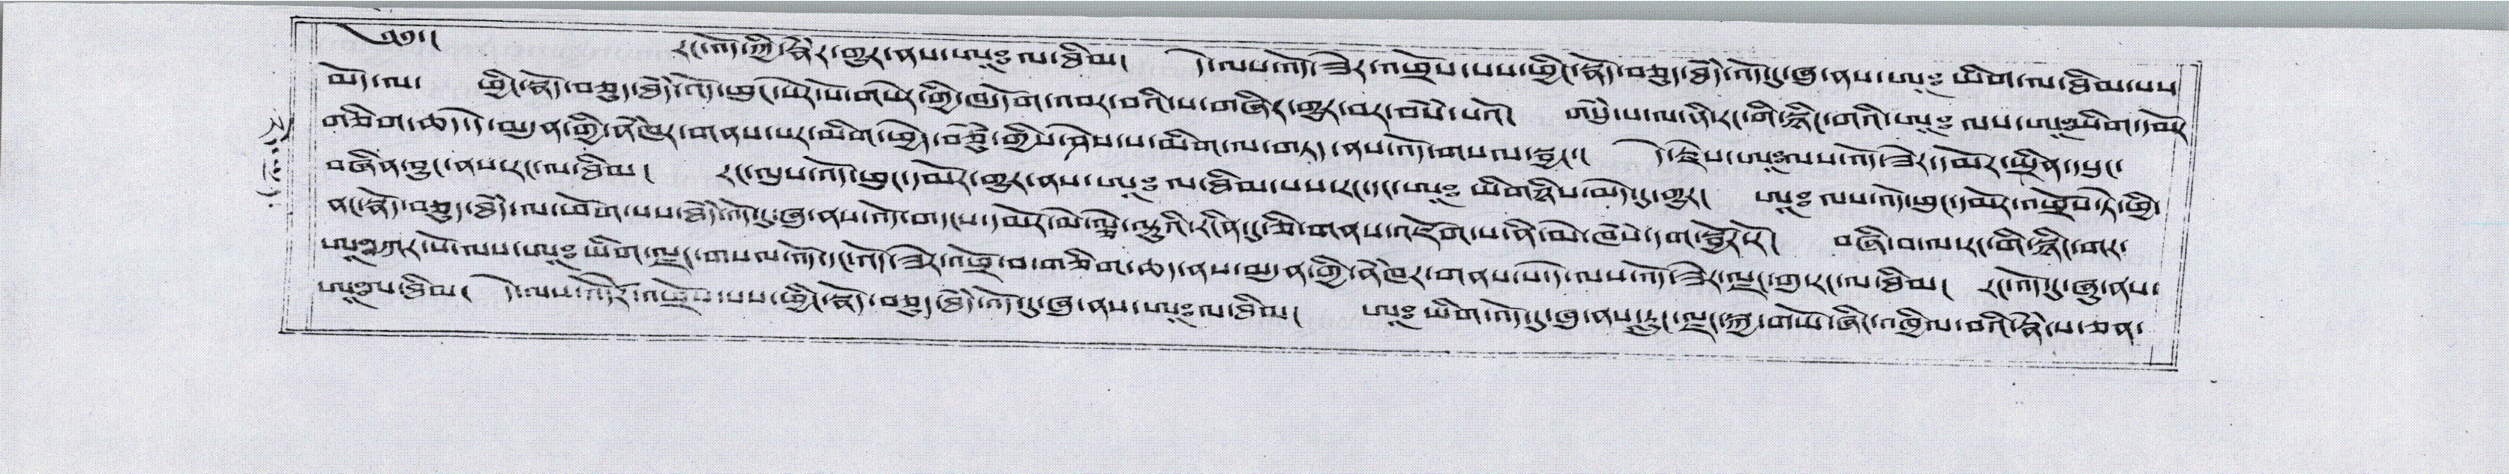རང་འོད་ཀྱི་རྣམ་པར་གྱུར་ནས་ཨཱཿལ་ཐིམ། དེ་ལས་འོད་ཟེར་འཕྲོས་པས་ཕྱི་ནང་སྣོད་བཅུད་ཐམས་ཅད་འོད་དུ་ཞུ་ནས་ཨཱཿཡིག་ལ་ཐིམ་པས་
མདོ་ལ། ཕྱི་ནང་སྣོད་བཅུད་ཐམས་ཅད་འོད་ཕུང་སེར་པོ་གསེར་གྱི་ཁ་དོག་འབར་བའི་ས་གཞིར་གྱུར་བར་བསམ་པའོ། གསུམ་པ་ལ་ནི་རང་གི་སྙིང་གའི་ཨཱཿལས་ཨཱཿཡིག་དམར་པོ་
གཅིག་ཆད་དེ་མདུན་གྱི་ནམ་མཁར་གནས་པར་མིག་ཕྱེད་བཙུམ་གྱིས་ཤེས་པ་མིག་ལ་གཏད་ནས་འོད་གསལ་སྦྱང། དེ་རྗེས་ཨཱཿལས་འོད་ཟེར་དམར་པོ་སྤྲིན་དཔུང་
བཞིན་བྱུང་ནས་རང་ལ་ཐིམ། རང་ལུས་འོད་ཕུང་དམར་པོ་གྱུར་ནས་ཨཱཿལ་ཐིམ་པས་རང་དང་ཨཱཿཡིག་གཉིས་མེད་དུ་གྱུར། ཨཱཿལས་འོད་ཕུང་དམར་པོ་འཕྲོས་ཏེ་ཕྱི་
ནང་སྣོད་བཅུད་ཐམས་ཅད་ལ་ཕོག་པས་ཐམས་ཅད་འོད་དུ་ཞུ་ནས་འོད་གདངས་དམར་མོ་ལྕེ་ལྟ་བུའི་རང་བཞིན་དུ་ཅི་གནས་འཇོག་པ་ནི་མེ་ཁམས་དག་སྦྱོར་རོ། བཞི་པ་ལ་རང་གི་སྙིང་གར་
ཨཱཿདཀར་པོ་ལས་ཨཱཿཡིག་ལྗང་གསལ་འོད་དང་འོད་ཟེར་འཕྲོ་བ་གཅིག་ཆད་ནས་མདུན་གྱི་ནམ་མཁར་གནས་པ་དེ་ལས་འོད་ཟེར་ལྗང་གུ་རང་ལ་ཐིམ། རང་འོད་དུ་ཞུ་ནས་
ཨཱཿལ་ཐིམ། དེ་ལས་འོད་ཟེར་འཕྲོས་པས་ཕྱི་ནང་སྣོད་བཅུད་ཐམས་ཅད་འོད་དུ་ཞུ་ནས་ཨཱཿལ་ཐིམ། ཨཱཿཡིག་འོད་དུ་ཞུ་ནས་རླུང་ལྗང་སྐྱ་གཡོ་ཞིང་འཁྱིལ་བའི་རྣམ་པ་ཅན་